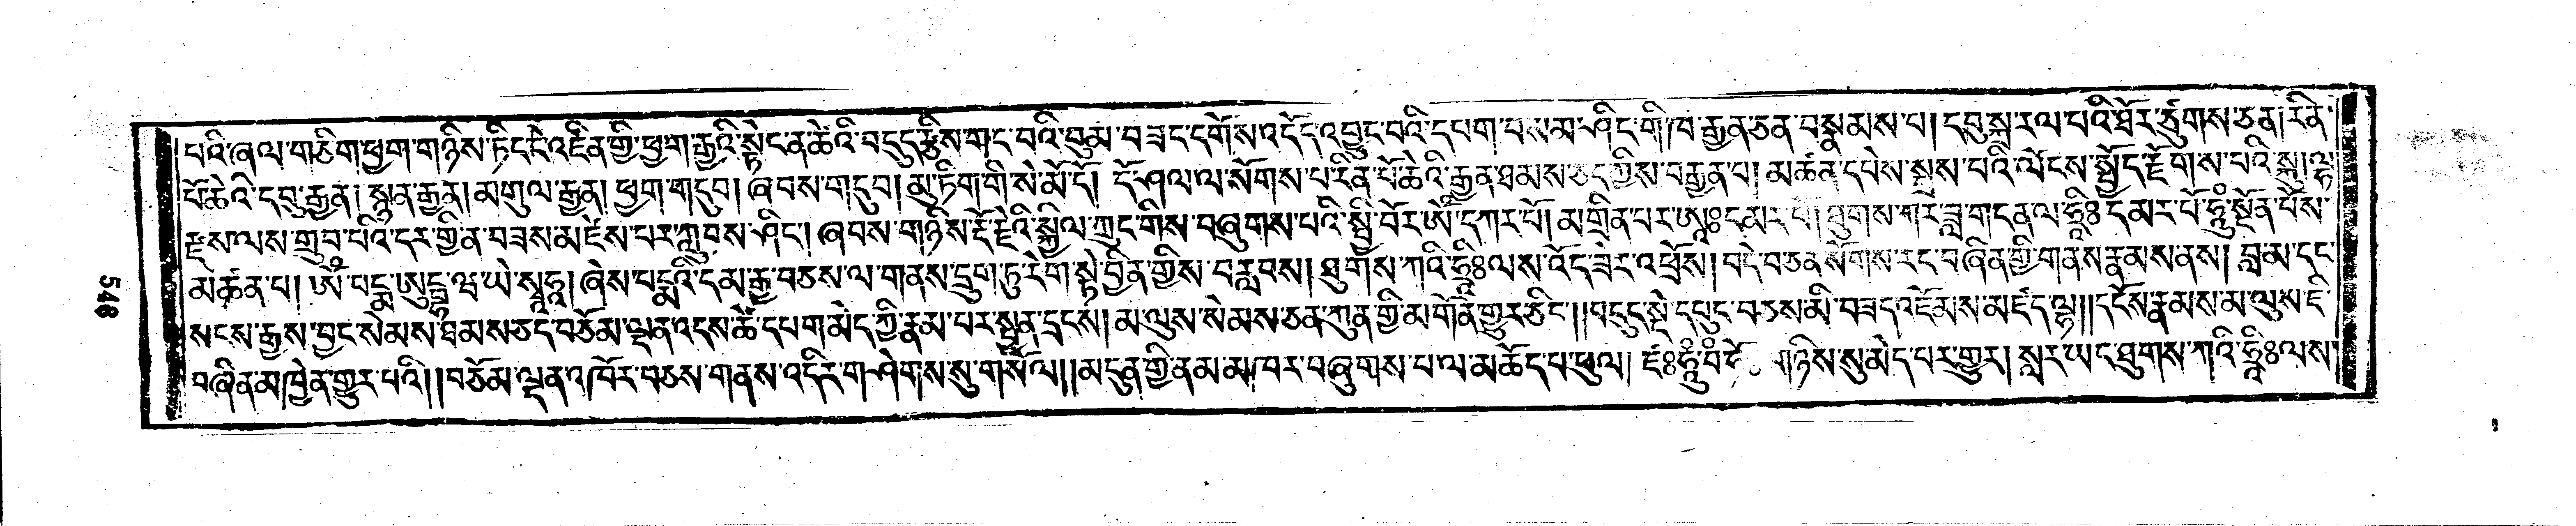པའི་ཞལ་གཅིག་ཕྱག་གཉིས་ཏིང་ངེ་འཛིན་གྱི་ཕྱག་རྒྱའི་སྟེང་ན་ཚེའི་བདུད་ཀྱིས་གང་བའི་བུམ་བཟང་དགོས་འདོད་འབྱུང་བའི་དཔག་བསམ་ཤིང་གི་ཁ་རྒྱན་ཅན་བསྣམས་པ། དབུ་སྐྲ་རལ་པའི་ཐོར་ཙུགས་ཅན། རིན་
པོ་ཆེའི་དབུ་རྒྱན། སྙན་རྒྱན། མགུལ་རྒྱན། ཕྱག་གདུབ། ཞབས་གདུབ། མུ་ཏིག་གི་སེ་མོ་དོ། དོ་ཤལ་ལ་སོགས་པ་རིན་པོ་ཆེའི་རྒྱན་ཐམས་ཅད་ཀྱིས་བརྒྱན་པ། མཚན་དཔེས་སྤྲས་པའི་ལོངས་སྤྱོད་རྫོགས་པའི་སྐུ། ལྷ་
རྫས་ལས་གྲུབ་པའི་དར་གྱི་ན་བཟས་མཛེས་པར་ཀླུབས་ཤིང་། ཞབས་གཉིས་རྡོ་རྗེའི་སྐྱིལ་ཀྲུང་གིས་བཞུགས་པའི་སྤྱི་བོར་ཨོཾ་དཀར་པོ། མགྲིན་པར་ཨཱཿ དམར་པོ། ཐུགས་ཀར་ཟླ་གདན་ལ་ཧྲཱིཿ དམར་པོ་ཧཱུཾ་སྔོན་པོས་
མཚན་པ། ཨོཾ་པདམ་ཨུདབྷ་ཝ་ཡེ་སྭཱཧཱ། ཞེས་པདམའི་དམ་རྒྱ་བཅས་ལ་གནས་དྲུག་ཏུ་རེག་སྟེ་བྱིན་གྱིས་བརླབས། ཐུགས་ཀའི་ཧྲཱིཿ ལས་འོད་ཟེར་འཕྲོས། བདེ་བ་ཅན་སོགས་རང་བཞིན་གྱི་གནས་རྣམས་ནས། བླ་མ་དང་
སངས་རྒྱས་བྱང་སེམས་ཐམས་ཅད་བཅོམ་ལྡན་འདས་ཚེ་དཔག་མེད་ཀྱི་རྣམ་པར་སྤྱན་དྲངས། མ་ལུས་སེམས་ཅན་ཀུན་གྱི་མགོན་གྱུར་ཅིང་། །བདུད་སྡེ་དཔུང་བཅས་མི་བཟད་འཇོམས་མཛད་ལྷ། །དངོས་རྣམས་མ་ལུས་ཇི་
བཞིན་མཁྱེན་གྱུར་པའི། །བཅོམ་ལྡན་འཁོར་བཅས་གནས་འདིར་གཤེགས་སུ་གསོལ། །མདུན་གྱི་ནམ་མཁར་བཞུགས་པ་ལ་མཆོད་པ་ཕུལ། ཛཿ ཧཱུཾ་བཾ་ཧོཿ གཉིས་སུ་མེད་པར་གྱུར། སླར་ཡང་ཐུགས་ཀའི་ཧྲཱིཿ ལས་